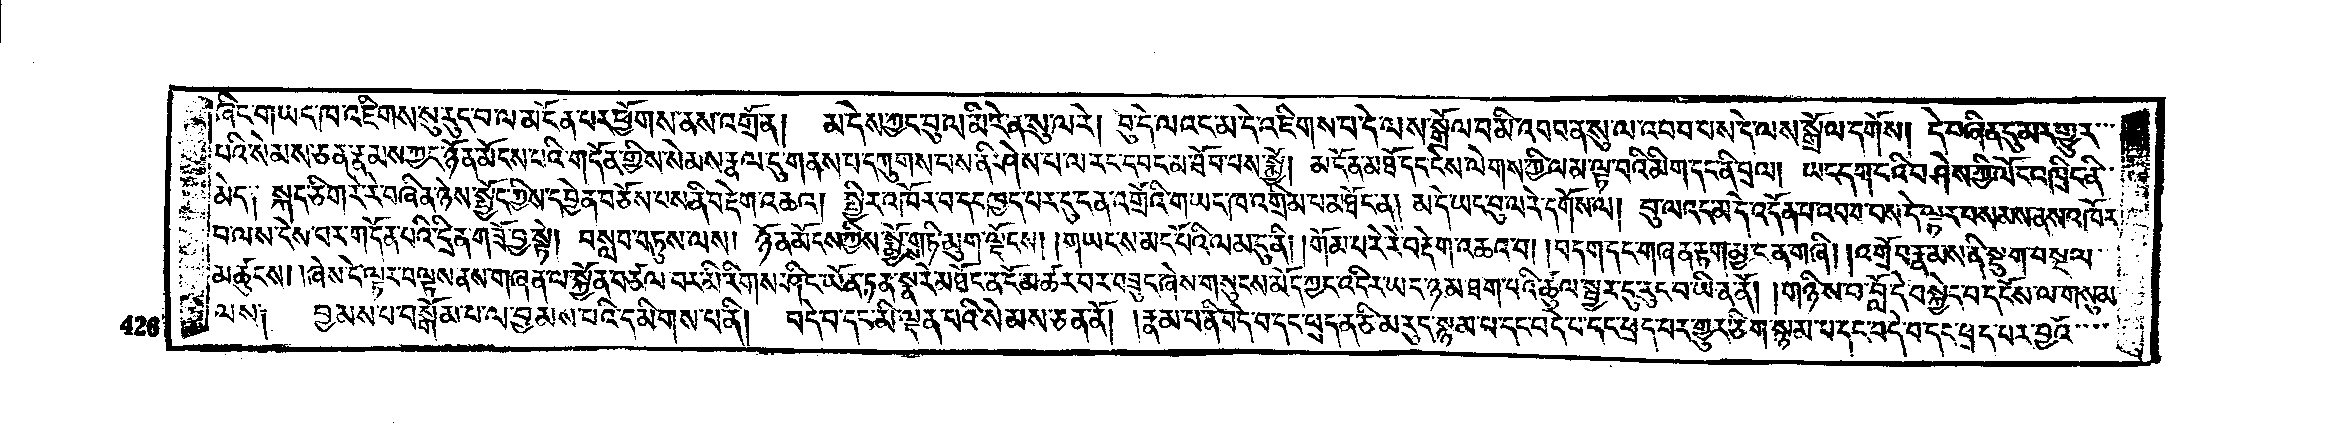ཞིང་གཡང་ཁ་འཇིགས་སུ་རུང་བ་ལ་མངོན་པར་ཕྱོགས་ནས་འགྲོ་ན། མ་དེས་ཀྱང་བུ་ལ་མི་རེ་ན་སུ་ལ་རེ། བུ་དེ་ལའང་མ་དེ་འཇིགས་པ་དེ་ལས་སྒྲོལ་བ་མི་འབབ་ན་སུ་ལ་འབབ་པས་དེ་ལས་སྒྲོལ་དགོས། དེ་བཞིན་དུ་མར་གྱུར་
པའི་སེམས་ཅན་རྣམས་ཀྱང་ཉོན་མོངས་པའི་གདོན་གྱིས་སེམས་རྣལ་དུ་གནས་པ་དཀུགས་པས་ནི་ཤེས་པ་ལ་རང་དབང་མ་ཐོབ་པས་སྨྱོ། མངོན་མཐོ་དང་ངེས་ལེགས་ཀྱི་ལམ་ལྟ་བའི་མིག་དང་ནི་བྲལ། ཡང་དག་པའི་བཤེས་ཀྱི་ལོང་འཁྲིད་ནི་
མེད༑ སྐད་ཅིག་རེ་རེ་བཞིན་ཉེས་སྤྱོད་ཀྱིས་དབྱེན་བཅོས་པས་ནི་བརྡེག་འཆའ། སྤྱིར་འཁོར་བ་དང་ཁྱད་པར་དུ་ངན་འགྲོའི་གཡང་ཁ་འགྲིམ་པ་མཐོང་ན། མ་དེ་ཡང་བུ་ལ་རེ་དགོས་ལ། བུ་ལའང་མ་དེ་འདོན་པ་འབབ་པས་དེ་ལྟར་བསམས་ནས་འཁོར་
བ་ལས་ངེས་པར་གདོན་པའི་དྲིན་གཟོ་བྱ་སྟེ། བསླབ་བཏུས་ལས། ཉོན་མོངས་ཀྱིས་སྨྱོ་གཏི་མུག་ལྡོངས། །གཡང་ས་མང་པོའི་ལམ་དུ་ནི། །གོམ་པ་རེ་རེ་བརྡེག་འཆའ་བ། །བདག་དང་གཞན་རྟག་མྱ་ངན་གཞི། །འགྲོ་བ་རྣམས་ནི་སྡུག་བསྔལ་
མཚུངས། །ཞེས་དེ་ལྟར་བལྟས་ནས་གཞན་ལ་སྐྱོན་བཙལ་བར་མི་རིགས་ཤིང་ཡོན་ཏན་སྣ་རེ་མཐོང་ན་ངོ་མཚར་བར་བཟུང་ཞེས་གསུངས་མོད་ཀྱང་འདིར་ཡང་ཉམ་ཐག་པའི་ཚུལ་སྦྱར་དུ་རུང་བ་ཡིན་ནོ། །གཉིས་པ་བློ་དེ་བསྐྱེད་པ་དངོས་ལ་གསུམ་
ལས༑ བྱམས་བ་བསྒོམ་པ་ལ་བྱམས་བའི་དམིགས་པ་ནི། བདེ་བ་དང་མི་ལྡན་པའི་སེམས་ཅན་ནོ། །རྣམ་པ་ནི་བདེ་བ་དང་ཕྲད་ན་ཅི་མ་རུང་སྙམ་པ་དང་བདེ་བ་དང་ཕྲད་པར་གྱུར་ཅིག་སྙམ་པ་དང་བདེ་བ་དང་ཕྲད་པར་བྱའོ་